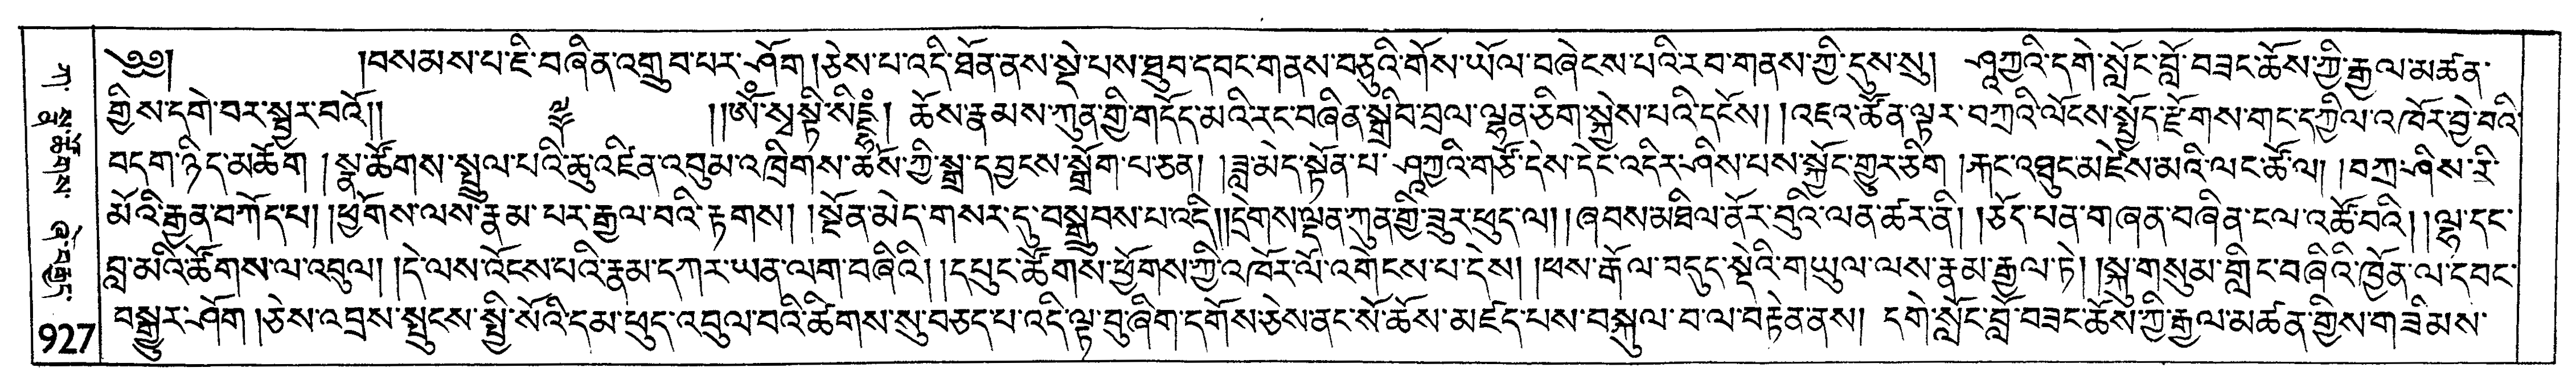༄༅། །བསམས་པ་ཇི་བཞིན་འགྲུབ་པར་ཤོག །ཅེས་པ་འདི་ཐོན་ནས་སྡེ་པས་ཐུབ་དབང་གནས་བཅུའི་གོས་ཡོལ་བཞེངས་པའི་རབ་གནས་ཀྱི་དུས་སུ། ཤཱཀྱའི་དགེ་སློང་བློ་བཟང་ཆོས་ཀྱི་རྒྱལ་མཚན་
གྱིས་དགེ་བར་སྦྱར་བའོ།། ༈ །།ཨོཾ་སྭསྟི་སིདྡྷཾ། ཆོས་རྣམས་ཀུན་གྱི་གདོད་མའི་རང་བཞིན་སྒྲིབ་བྲལ་ལྷན་ཅིག་སྐྱེས་པའི་དངོས། །འཇའ་ཚོན་ལྟར་བཀྲའི་ལོངས་སྤྱོད་རྫོགས་གང་དཀྱིལ་འཁོར་བྱེ་བའི་
བདག་ཉིད་མཆོག །སྣ་ཚོགས་སྤྲུལ་པའི་ཆུ་འཛིན་འབུམ་འཁྲིགས་ཆོས་ཀྱི་སྒྲ་དབྱངས་སྒྲོག་པ་ཅན། །ཟླ་མེད་སྟོན་པ་ཤཱཀྱའི་གཙོ་དེས་དེང་འདིར་ཤིས་པས་སྐྱོང་གྱུར་ཅིག །རྐང་འཐུང་མཛེས་མའི་ལང་ཚོ་ལ། །བཀྲ་ཤིས་རི་
མོའི་རྒྱན་བཀོད་པ། །ཕྱོགས་ལས་རྣམ་པར་རྒྱལ་བའི་རྟགས། །སྔོན་མེད་གསར་དུ་བསྒྲུབས་པ་འདི། །དྲེགས་ལྡན་ཀུན་གྱི་ཟུར་ཕུད་ལ། །ཞབས་མཐིལ་ནོར་བུའི་ལན་ཚར་ནི། །ཅོད་པན་གཞན་བཞིན་ངལ་འཚོ་བའི། །ལྷ་དང་
བླ་མའི་ཚོགས་ལ་འབུལ། །དེ་ལས་འོངས་པའི་རྣམ་དཀར་ཡན་ལག་བཞིའི། །དཔུང་ཚོགས་ཕྱོགས་ཀྱི་འཁོར་ལོ་འགེངས་པ་དེས། །ཕས་རྒོལ་བདུད་སྡེའི་གཡུལ་ལས་རྣམ་རྒྱལ་ཏེ། །སྐུ་གསུམ་གླིང་བཞིའི་ཁྱོན་ལ་དབང་
བསྒྱུར་ཤོག །ཅེས་འབྲས་སྤུངས་སྤྱི་སོའི་དམ་ཕུད་འབུལ་བའི་ཚིགས་སུ་བཅད་པ་འདི་ལྟ་བུ་ཞིག་དགོས་ཅེས་ནང་སོ་ཆོས་མཛད་པས་བསྐུལ་བ་ལ་བརྟེན་ནས། དགེ་སློང་བློ་བཟང་ཆོས་ཀྱི་རྒྱལ་མཚན་གྱིས་གཟིམས་